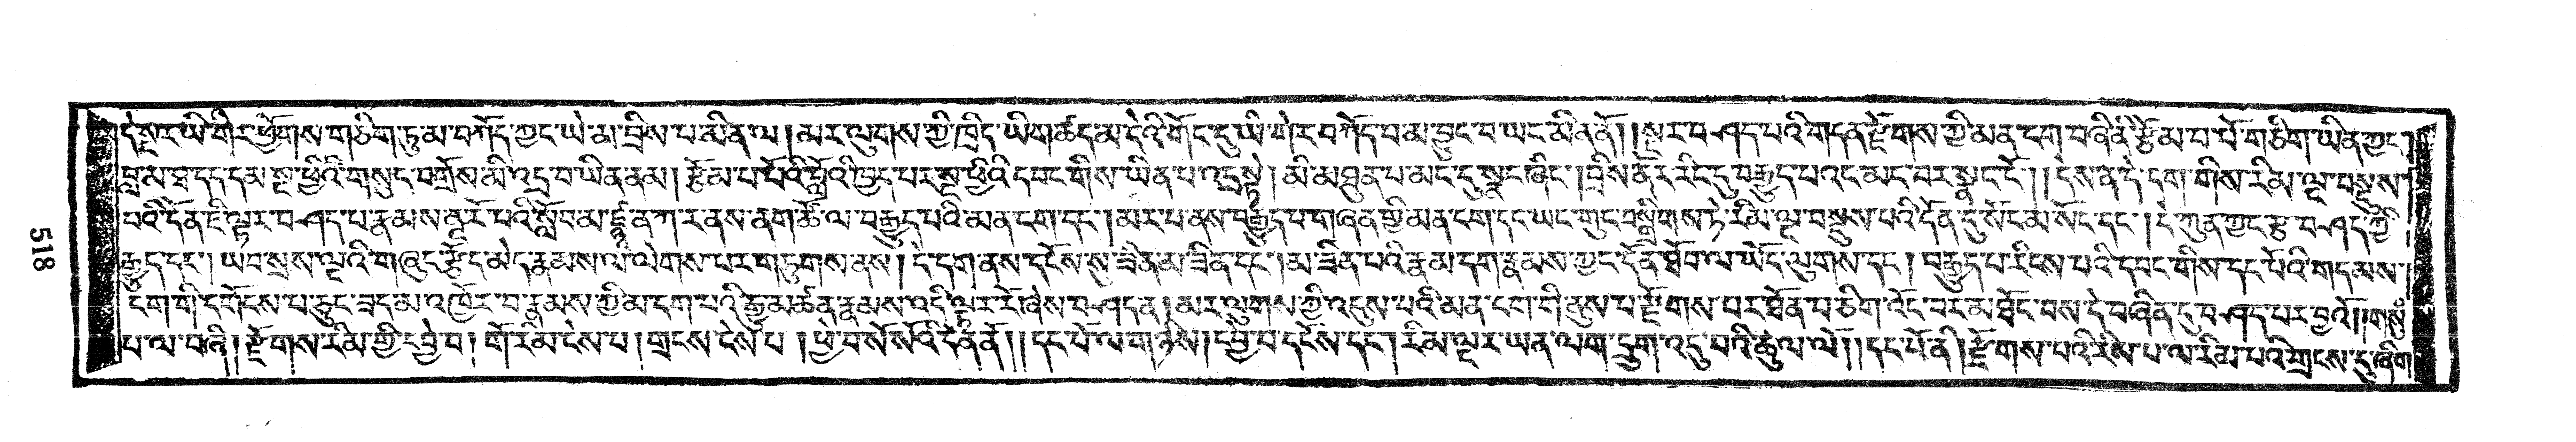དེ་སྔར་ཡི་གེར་ཕྱོགས་གཅིག་ཏུ་མ་བཀོད་ཀྱང་ཡེ་མ་བྲིས་པ་མིན་ལ། མར་ལུགས་ཀྱི་ཁྲིད་ཡིག་ཚད་མ་དེའི་གོང་དུ་ཡི་གེར་བཀོད་པ་མ་བྱུང་བ་ཡང་མིན་ནོ། །སྔར་བཤད་པའི་གདན་རྫོགས་ཀྱི་མན་ངག་བཞི་ནི་རྩོམ་པ་པོ་གཅིག་ཡིན་ཀྱང་
བླ་མ་ཐ་དད་དམ་སྔ་ཕྱིའི་གསུང་བགྲོས་མི་འདྲ་བ་ཡིན་ནམ། རྩོམ་པ་པོའི་བློའི་ཁྱད་པར་སྔ་ཕྱིའི་དབང་གིས་ཡིན་པ་འདྲ་སྟེ། མི་མཐུན་པ་མང་དུ་སྣང་ཞིང་། བྲིས་ནོར་རིང་དུ་བརྒྱུད་པའང་མང་བར་སྣང་ངོ། །དེས་ན་དེ་དག་གིས་རིམ་ལྔ་བསྡུས་
པའི་དོན་ཇི་ལྟར་བཤད་པ་རྣམས་ནཱ་རོ་པའི་སློབ་མ་ཛྙཱ་ན་ཀ་ར་ནས་ནག་ཚོ་ལ་བརྒྱུད་པའི་མན་ངག་དང་། མར་པ་ནས་བརྒྱུད་པ་གཞན་གྱི་མན་ངག་དང་ཡང་གུང་བསྒྲིགས་ཏེ་རིམ་ལྔ་བསྡུས་པའི་དོན་དུ་སོང་མ་སོང་དང་། དེ་ཀུན་ཀྱང་རྩ་བཤད་ཀྱི་
རྒྱུད་དང་། །ཡབ་སྲས་ལྔའི་གཞུང་རྩོད་མེད་རྣམས་ལ་ལེགས་པར་གཏུགས་ནས། དེ་དག་ནས་དངོས་སུ་ཟིན་མ་ཟིན་དང་། མ་ཟིན་པའི་རྣམ་དག་རྣམས་ཀྱང་དོན་ཐོབ་ལ་ཡོད་ལུགས་དང་། བརྒྱུད་པ་རིངས་པའི་དབང་གིས་དང་པོའི་གདམས་
ངག་གི་དགོངས་པ་ཅུང་ཟད་མ་འཁྱོར་བ་རྣམས་ཀྱི་མ་དག་ཕའི་རྒྱུ་མཚན་རྣམས་འདི་ལྟར་རོ་ཞེས་བཤད་ན། མར་ལུགས་ཀྱི་འདུས་པའི་མན་ངག་གི་ནུས་པ་རྫོགས་པར་ཐོན་པ་ཅིག་འོང་བར་མཐོང་བས་དེ་བཞིན་དུ་བཤད་པར་བྱའོ། །གསུམ་
པ་ལ་བཞི། རྫོགས་རིམ་གྱི་དབྱེ་བ། གོ་རིམ་ངེས་པ། གྲངས་ངེས་པ། ཕྱེ་བ་སོ་སོའི་དོན་ནོ། །དང་པོ་ལ་གཉིས། དབྱེ་བ་དངོས་དང་། རིམ་ལྔར་ཡན་ལག་དྲུག་འདུ་བའི་ཚུལ་ལོ། །དང་པོ་ནི། རྫོགས་པའི་རིམ་པ་ལ་རིམ་པའི་གྲངས་དུ་ཞིག་